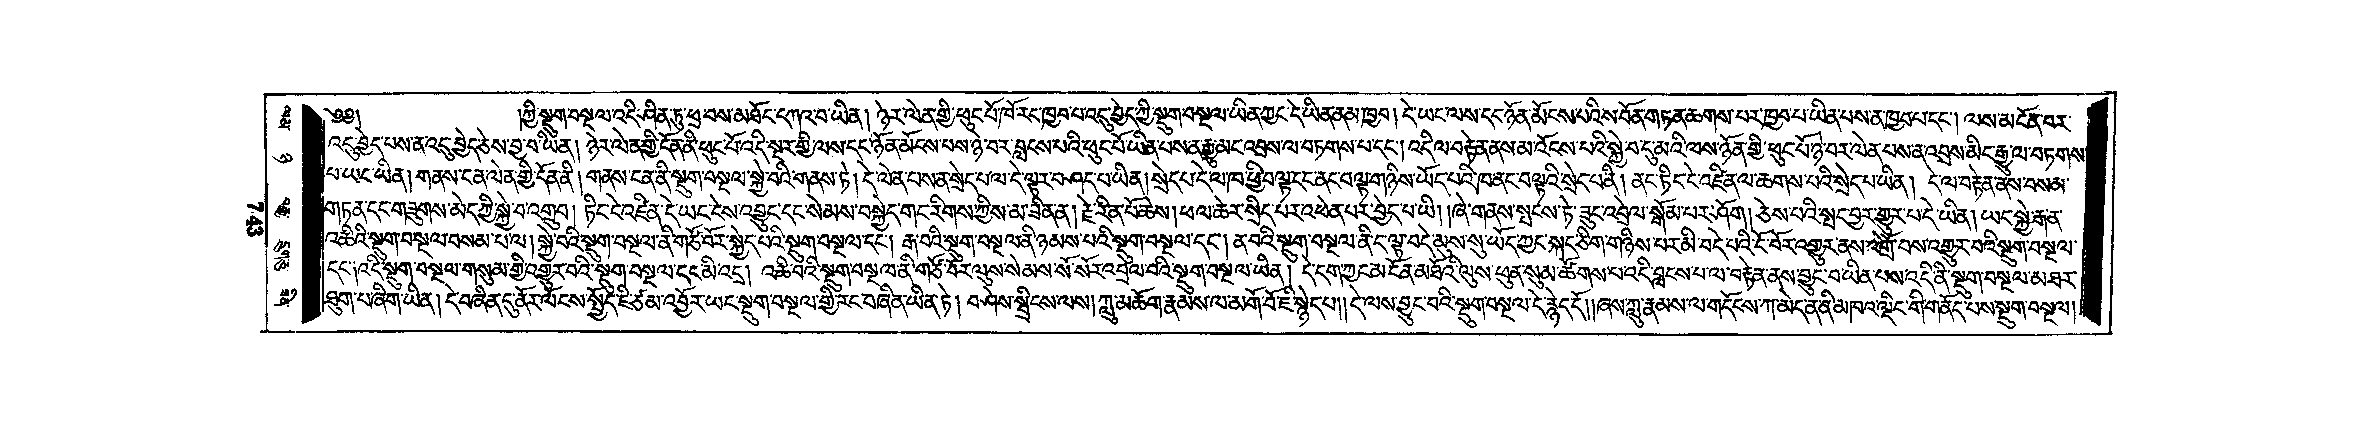༄༅། །ཀྱི་སྡུག་བསྔལ་འདི་ཤིན་ཏུ་ཕྲ་བས་མཐོང་དཀའ་བ་ཡིན། ཉེར་ལེན་གྱི་ཕུང་པོ་ཁོ་རང་ཁྱབ་པ་འདུ་བྱེད་ཀྱི་སྡུག་བསྔལ་ཡིན་ཀྱང་དེ་ཡིན་ནམ་ཁྱབ། དེ་ཡང་ལས་དང་ཉོན་མོངས་པའི་ས་བོན་གཏན་ཆགས་པར་ཁྱབ་པ་ཡིན་པས་ན་ཁྱབ་པ་དང་། ལས་མངོན་པར་
འདུ་བྱེད་པས་ན་འདུ་བྱེད་ཅེས་བྱ་བ་ཡིན། ཉེར་ལེན་གྱི་དོན་ནི་ཕུང་པོ་འདི་སྔར་གྱི་ལས་དང་ཉོན་མོངས་པས་ཉེ་བར་བླངས་པའི་ཕུང་པོ་ཡིན་པས་ན་རྒྱུ་མང་འབྲས་ལ་བཏགས་པ་དང་། འདི་ལ་བརྟེན་ནས་མ་འོངས་པའི་སྐྱེ་བ་དུ་མའི་ལས་ཉོན་གྱི་ཕུང་པོ་ཉེ་བར་ལེན་པས་ན་འབྲས་མིང་རྒྱུ་ལ་བཏགས་
པ་ཡང་ཡིན། གནས་ངན་ལེན་གྱི་དོན་ནི། གནས་ངན་ནི་སྡུག་བསྔལ་སྐྱེ་བའི་གནས་ཏེ། དེ་ལེན་པས་ན་སྲེད་པ་ལ་དེ་ལྟར་བཤད་པ་ཡིན། སྲེད་པ་དེ་ལ་ཁ་ཕྱི་བལྟ་དང་ནང་བལྟ་གཉིས་ཡོད་པའི་ཁ་ནང་བལྟའི་སྲེད་པ་ནི། ནང་ཏིང་ངེ་འཛིན་ལ་ཆགས་པའི་སྲེད་པ་ཡིན། དེ་ལ་བརྟེན་ནས་བསམ་
གཏན་དང་གཟུགས་མེད་ཀྱི་སྐྱེ་བ་འགྲུབ། ཏིང་ངེ་འཛིན་དེ་ཡང་ངེས་འབྱུང་དང་སེམས་བསྐྱེད་གང་རིགས་ཀྱིས་མ་ཟིན་ན། རྗེ་རིན་པོ་ཆེས། ཕལ་ཆེར་སྲིད་པར་འཕེན་པར་བྱེད་པ་ཡི། །ཞེས་གནས་སྤངས་ཏེ་ཟུང་འབྲེལ་སྒོམ་པར་ཤོག །ཅེས་པའི་སྤང་བྱར་གྱུར་པ་དེ་ཡིན། ཡང་སྐྱེ་རྒ་ན་འཆིའི་སྡུག་བསྔལ་བསམ་པ་ལ། སྐྱེ་བའི་སྡུག་བསྔལ་ནི་གཙོ་བོར་སྐྱེད་པའི་སྡུག་བསྔལ་དང་། རྒ་བའི་སྡུག་བསྔལ་ནི་ཉམས་པའི་སྡུག་བསྔལ་དང་། ན་བའི་སྡུག་བསྔལ་ནི་ད་ལྟ་བདེ་མུས་སུ་ཡོད་ཀྱང་སྐད་ཅིག་གཉིས་པར་མི་བདེ་པའི་ངོ་བོར་འགྱུར་ནས་འགྲོ་བས་འགྱུར་བའི་སྡུག་བསྔལ་
དང་། འདི་སྡུག་བསྔལ་གསུམ་གྱི་འགྱུར་བའི་སྡུག་བསྔལ་དང་མི་འདྲ། འཆི་བའི་སྡུག་བསྔལ་ནི་གཙོ་བོར་ལུས་སེམས་སོ་སོར་འབྲལ་བའི་སྡུག་བསྔལ་ཡིན། དེ་དག་ཀྱང་མངོན་མཐོའི་ལུས་ཕུན་སུམ་ཚོགས་པ་འདི་བླངས་པ་ལ་བརྟེན་ནས་བྱུང་བ་ཡིན་པས་འདི་ནི་སྡུག་བསྔལ་མཐར་
ཐུག་པ་ཞིག་ཡིན། དེ་བཞིན་དུ་ནོར་ལོངས་སྤྱོད་ཇི་ཙམ་འབྱོར་ཡང་སྡུག་བསྔལ་གྱི་རང་བཞིན་ཡིན་ཏེ། བཤེས་སྦྲིངས་ལས། ཀླུ་མཆོག་རྣམས་ལ་མགོ་བོ་ཇི་སྙེད་པ། །དེ་ལས་བྱུང་བའི་སྡུག་བསྔལ་དེ་རྙེད་དོ། །ཞས་ཀླུ་རྣམས་ལ་གདོངས་ཀ་མེད་ན་ནི་མཁའ་ལྡིང་གི་གནོད་པས་སྡུག་བསྔལ།